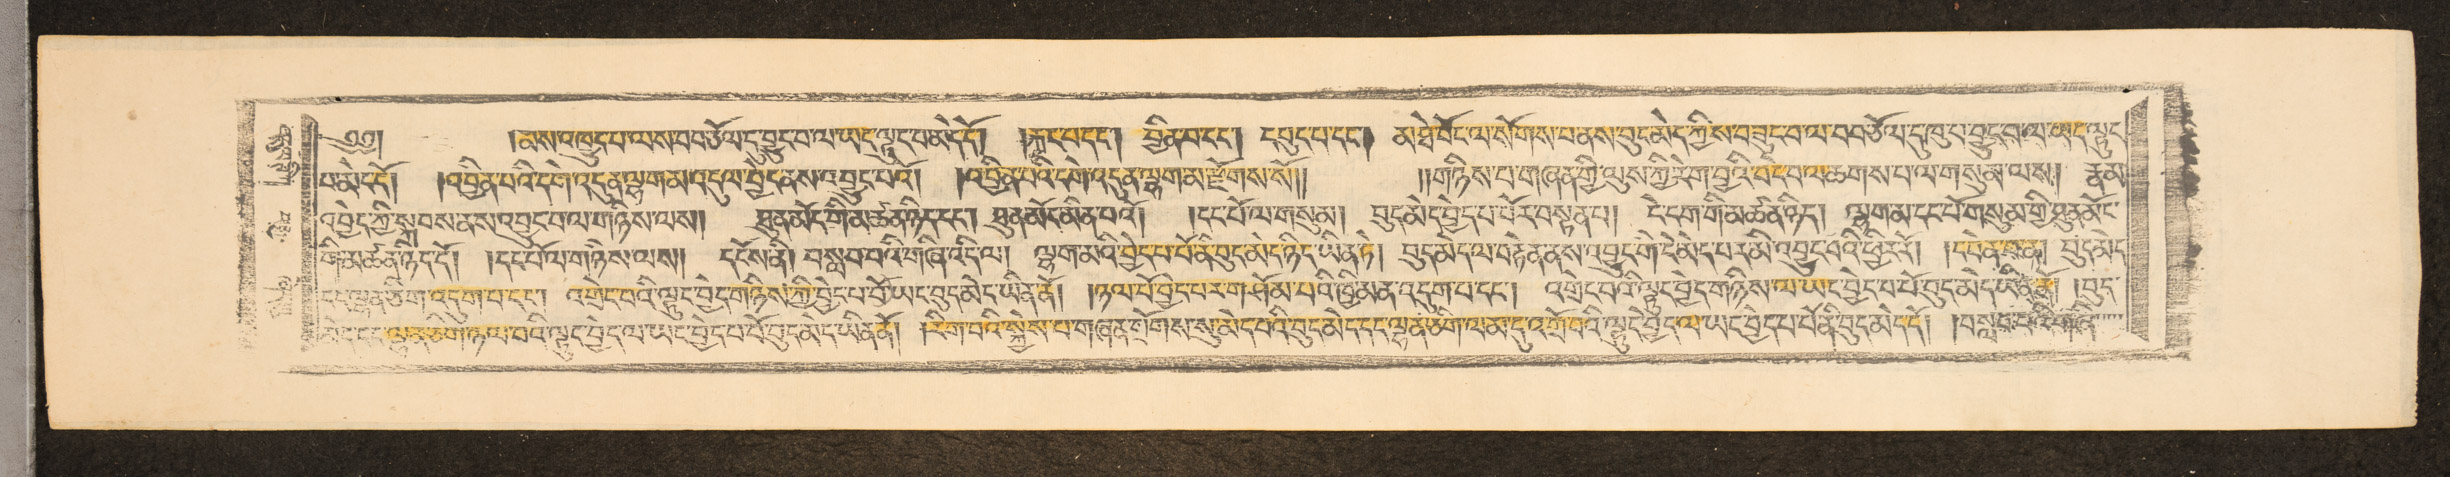༄༅། །མས་འཁྱུད་པ་ལས་བབ་ཅོལ་དུ་བྱུང་བ་ལ་ཡང་ལྟུང་བ་མེད་དོ། །རྐང་པ་དང་། བྱིན་པ་དང་། དཔུང་པ་དང་། མཐེ་བོང་ལ་སོགས་པ་ནས་བུད་མེད་ཀྱིས་བཟུང་བ་ལ་བ་བཅོལ་དུ་ཁུ་བ་བྱུང་བ་ལ་ཡང་ལྟུང་
པ་མེད་དོ། །འབྱིན་པའི་དགེ་འདུན་ལྷག་མ་འདུལ་བྱེད་ནས་འབྱུང་བའོ། །འབྱིན་པའི་དགེ་འདུན་ལྷག་མ་རྫོགས་སོ།། །།གཉིས་པ་གཞན་གྱི་ལུས་ཀྱི་རེག་བྱའི་བདེ་བ་ལ་ཆགས་པ་ལ་གསུམ་ལས། རྣམ་
འབྱེད་ཀྱི་སྐབས་ནས་འབྱུང་བ་ལ་གཉིས་ལས། ཐུན་མོང་གི་མཚན་ཉིད་དང་། ཐུན་མོང་མིན་པའོ། །དང་པོ་ལ་གསུམ། བུད་མེད་བྱེད་པ་པོར་བསྟན་པ། དེ་དག་གི་མཚན་ཉིད། ལྷག་མ་དང་པོ་གསུམ་གྱི་ཐུན་མོང་
གི་མཚན་ཉིད་དོ། །དང་པོ་ལ་གཉིས་ལས། དངོས་ནི། བསླབ་པའི་གཞི་འདི་ལ། ལྷག་མའི་བྱེད་པ་པོ་ནི་བུད་མེད་ཉིད་ཡིན་ཏེ། བུད་མེད་ལ་བརྟེན་ནས་འབྱུང་གི་དེ་མེད་པར་མི་འབྱུང་བའི་ཕྱིར་རོ། །དབེན་པ་ན། བུད་མེད་
དང་ལྷན་ཅིག་འདུག་པ་དང་། འགྲེང་བའི་ལྟུང་བྱེད་གཉིས་ཀྱི་བྱེད་པ་པོ་ཡང་བུད་མེད་ཡིན་ནོ། །ཉལ་པོ་བྱེད་པར་གཤོམ་པའི་ཁྱིམ་ན་འདུག་པ་དང་། འགྲེང་བའི་ལྟུང་བྱེད་གཉིས་ལ་ཡང་བྱེད་པ་པོ་བུད་མེད་ཡིན་ནོ། །བུད་
མེད་དང་ལྷན་ཅིག་ཉལ་བའི་ལྟུང་བྱེད་ལ་ཡང་བྱེད་པ་པོ་བུད་མེད་ཡིན་ནོ། །རིག་པའི་སྐྱེས་པ་གཞན་གྲོགས་སུ་མེད་པའི་བུད་མེད་དང་ལྷན་ཅིག་ལམ་དུ་འགྲོ་བའི་ལྟུང་བྱེད་ལ་ཡང་བྱེད་པ་པོ་ནི་བུད་མེད་དོ། །བསླབ་པའི་གཞི་